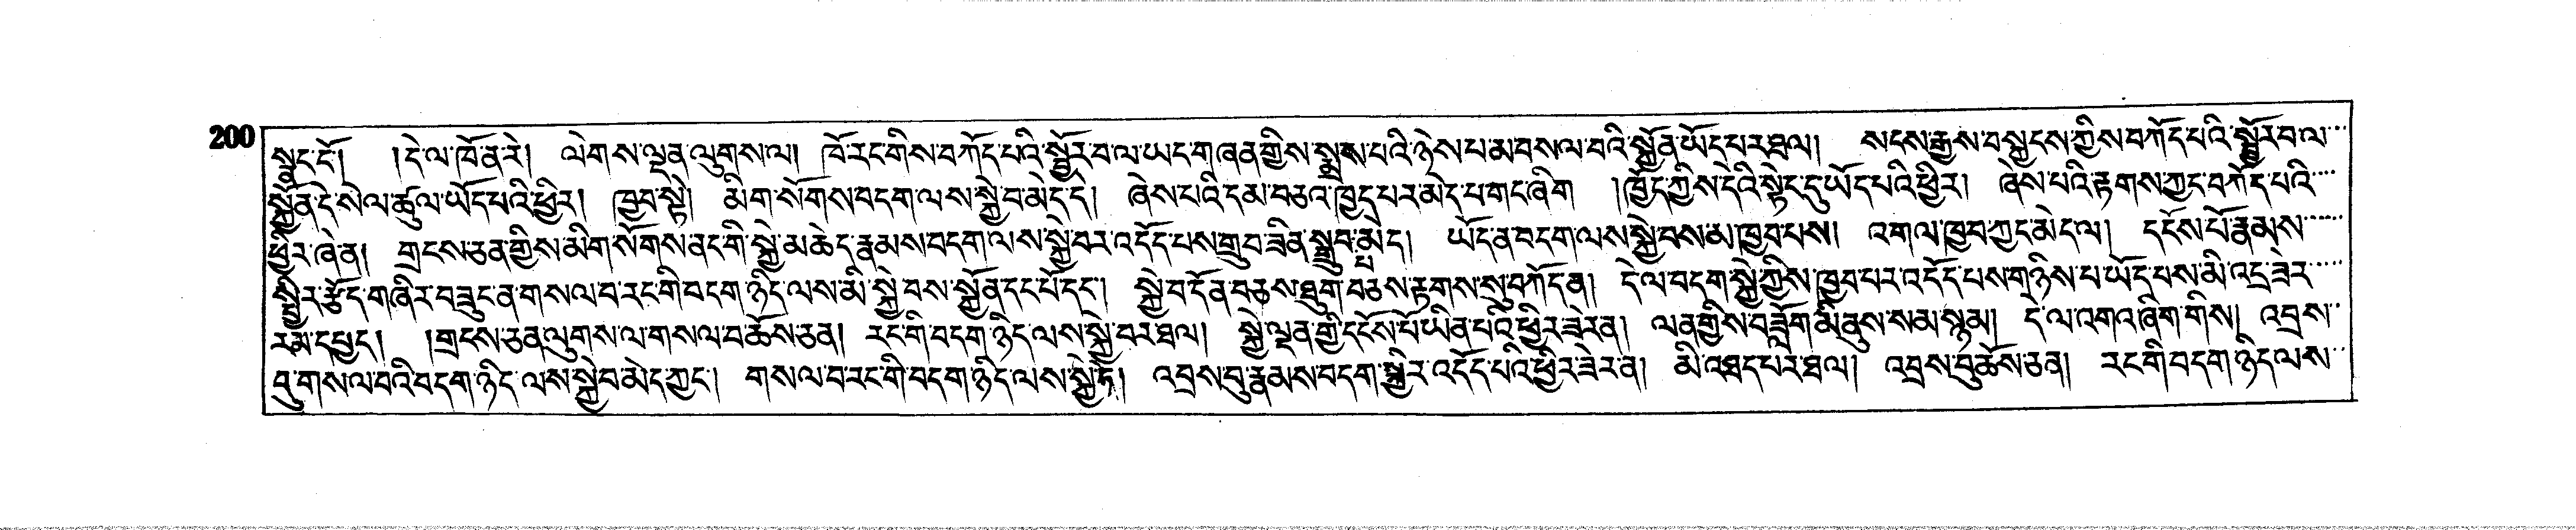སྣང་ངོ། །དེ་ལ་ཁོ་ན་རེ། ལེགས་ལྡན་ལུགས་ལ། ཁོ་རང་གིས་བཀོད་པའི་སྦྱོར་བ་ལ་ཡང་གཞན་གྱིས་སྨྲས་པའི་ཉེས་པ་མ་བསལ་བའི་སྐྱོན་ཡོད་པར་ཐལ། སངས་རྒྱས་བསྐྱངས་ཀྱིས་བཀོད་པའི་སྦྱོར་བ་ལ་
སྐྱོན་དེ་སེལ་ཚུལ་ཡོད་པའི་ཕྱིར། ཁྱབ་སྟེ། མིག་སོགས་བདག་ལས་སྐྱེ་བ་མེད་དེ། ཞེས་པའི་དམ་བཅའ་ཁྱད་པར་མེད་པ་གང་ཞིག །ཁྱོད་ཀྱིས་དེའི་སྟེང་དུ་ཡོད་པའི་ཕྱིར། ཞེས་པའི་རྟགས་ཀྱང་བཀོད་པའི་
ཕྱིར་ཞེ་ན། གྲངས་ཅན་གྱིས་མིག་སོགས་ནང་གི་སྐྱེ་མཆེད་རྣམས་བདག་ལས་སྐྱེ་བར་འདོད་པས་གྲུབ་ཟིན་སྒྲུབ་པ་མེད། ཡོད་ན་བདག་ལས་སྐྱེ་བས་མ་ཁྱབ་པས། འགལ་ཁྱབ་ཀྱང་མེད་ལ། དངོས་པོ་རྣམས་
སྤྱིར་རྩོད་གཞིར་བཟུང་ན་གསལ་བ་རང་གི་བདག་ཉིད་ལས་མི་སྐྱེ་བས་སྐྱོན་དང་པོ་དང་། སྐྱེ་བ་དོན་བཅས་ཐུག་བཅས་རྟགས་སུ་བཀོད་ན། དེ་ལ་བདག་སྐྱེ་ཀྱིས་ཁྱབ་པར་འདོད་པས་གཉིས་པ་ཡོད་པས་མི་འདྲ་ཟེར་
རམ་དཔྱད། །གྲངས་ཅན་ལུགས་ལ་གསལ་བ་ཆོས་ཅན། རང་གི་བདག་ཉིད་ལས་སྐྱེ་བར་ཐལ། སྐྱེ་ལྡན་གྱི་དངོས་པོ་ཡིན་པའི་ཕྱིར་ཟེར་ན། ལན་གྱིས་བཟློག་མི་ནུས་སམ་སྙམ། དེ་ལ་འགའ་ཞིག་གིས། འབྲས་
བུ་གསལ་བའི་བདག་ཉིད་ལས་སྐྱེ་བ་མེད་ཀྱང་། གསལ་བ་རང་གི་བདག་ཉིད་ལས་སྐྱེ་ཏེ། འབྲས་བུ་རྣམས་བདག་སྐྱིར་འདོད་པའི་ཕྱིར་ཟེར་ན། མི་འཐད་པར་ཐལ། འབྲས་བུ་ཆོས་ཅན། རང་གི་བདག་ཉིད་ལས་